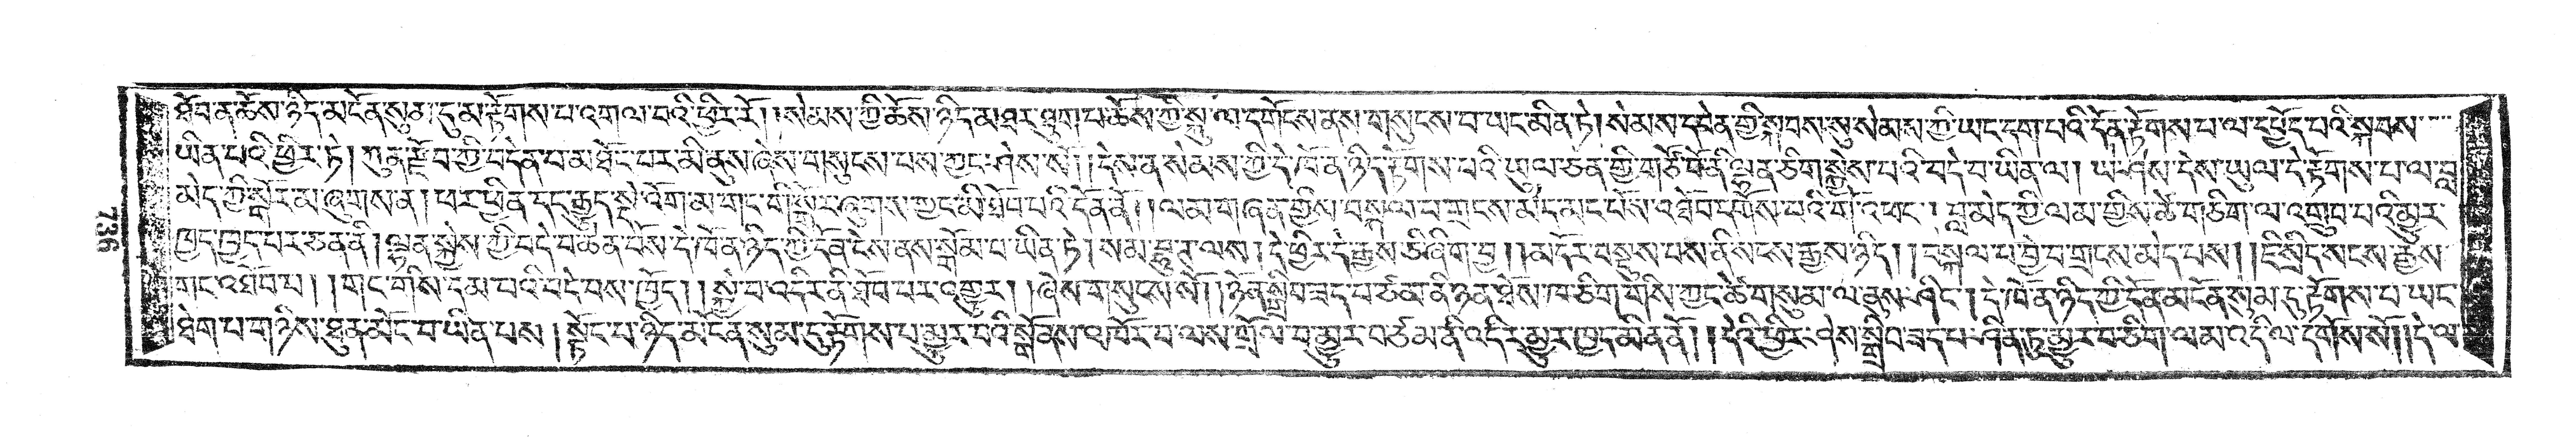ཐོབ་ན་ཆོས་ཉིད་མངོན་སུམ་དུ་མ་རྟོགས་པ་འགལ་བའི་ཕྱིར་རོ། །སེམས་ཀྱི་ཆོས་ཉིད་མཐར་ཐུག་པ་ཆོས་ཀྱི་སྐུ་ལ་དགོངས་ནས་གསུངས་པ་ཡང་མིན་ཏེ། སེམས་དབེན་གྱི་སྐབས་སུ་སེམས་ཀྱི་ཡང་དག་པའི་དོན་རྟོགས་པ་ལ་དཔྱོད་པའི་སྐབས་
ཡིན་པའི་ཕྱིར་ཏེ། ཀུན་རྫོབ་ཀྱི་བདེན་པ་མཐོང་པར་མི་ནུས་ཞེས་གསུངས་པས་ཀྱང་ཤེས་སོ། །དེས་ན་སེམས་ཀྱི་དེ་ཁོ་ན་ཉིད་རྟོགས་པའི་ཡུལ་ཅན་གྱི་གཙོ་བོ་ནི་ལྷན་ཅིག་སྐྱེས་པའི་བདེ་བ་ཡིན་ལ། ཡེ་ཤེས་དེས་ཡུལ་དེ་རྟོགས་པ་ལ་བླ་
མེད་ཀྱི་སྒོར་མ་ཞུགས་ན། ཕར་ཕྱིན་དང་རྒྱུད་སྡེ་འོག་མ་གང་གི་སྒོར་ཞུགས་ཀྱང་མི་ཐོབ་པའི་དོན་ནོ། །ལམ་གཞན་གྱིས་བསྐལ་པ་གྲངས་མེད་མང་པོས་འཐོབ་དགོས་པའི་གོ་འཕང་། བླ་མེད་ཀྱི་ལམ་གྱིས་ཚེ་གཅིག་ལ་འགྲུབ་པའི་མྱུར་
ཁྱད་ཁྱད་པར་ཅན་ནི། ལྷན་སྐྱེས་ཀྱི་བདེ་བ་ཆེན་པོས་དེ་ཁོ་ན་ཉིད་ཀྱི་དོན་ངེས་ནས་སྒོམ་པ་ཡིན་ཏེ། སམ་བྷུ་ཊ་ལས། དེ་ཕྱིར་དེ་རྒྱས་ཅི་ཞིག་བྱ། །མདོར་བསྡུས་པས་ནི་སངས་རྒྱས་ཉིད། །བསྐལ་པ་བྱེ་བ་གྲངས་མེད་པས། །ཇི་སྲིད་སངས་རྒྱས་
གང་འཐོབ་པ། །གང་གིས་དམ་པའི་བདེ་བས་ཁྱོད། །སྐྱེ་བ་འདིར་ནི་ཐོབ་པར་འགྱུར། །ཞེས་གསུངས་སོ། །ཉོན་སྒྲིབ་ཟད་པ་ཙམ་ནི་ཉན་ཐོས་ཁ་ཅིག་གིས་ཀྱང་ཚེ་གསུམ་ལ་ནུས་ཤིང་། དེ་ཁོ་ན་ཉིད་ཀྱི་དོན་མངོན་སུམ་དུ་རྟོགས་པ་ཡང་
ཐེག་པ་གཉིས་ཐུན་མོང་བ་ཡིན་པས། སྟོང་པ་ཉིད་མངོན་སུམ་དུ་རྟོགས་པ་མྱུར་བའི་སྒོ་ནས་འཁོར་བ་ལས་གྲོལ་བ་མྱུར་བ་ཙམ་ནི་འདིར་མྱུར་ཁྱད་མིན་ནོ། །དེའི་ཕྱིར་ཤེས་སྒྲིབ་ཟད་པ་ཤིན་ཏུ་མྱུར་བ་ཅིག་ལམ་འདི་ལ་དགོས་སོ། །དེ་ལ་